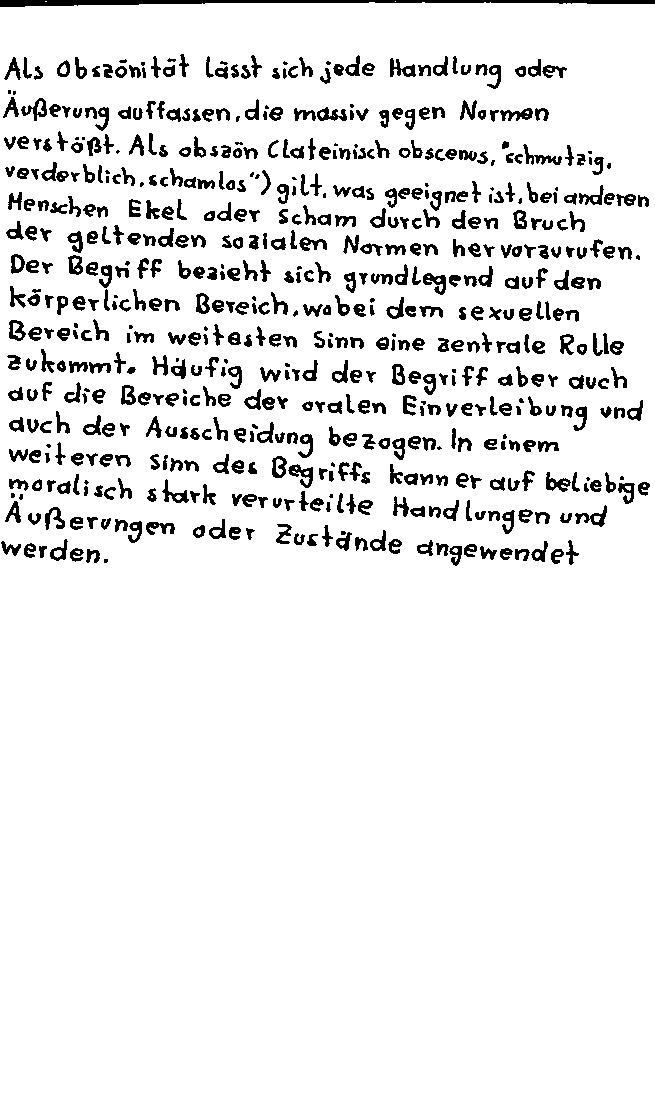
Als Obszönität lässt sich. jede Handlung oder
Äußerung auffassen, die massiv gegen Normen
verstößt. Als obszön (lateinisch obscenus, "schmutzig,
verderblich, schamlos") gilt, was geeignet ist. bei anderen
Menschen Ekel oder Scham durch den Bruch
der geltenden sozialen Normen hervorzurufen.
Der Begriff bezieht sich grundlegend auf den
körperlichen Bereich, wobei dem sexuellen
Bereich im weitesten Sinn eine zentrale Rolle
zukommt. Häufig wird der Begriff aber auch
auf die Bereiche der oralen Einverleibung und
auch der Ausscheidung bezogen. In einem
weiteren Sinn des Begriffs kann er auf beliebige
moralisch stark verurteilte Handlungen und
Äußerungen oder Zustände angewendet werden.
